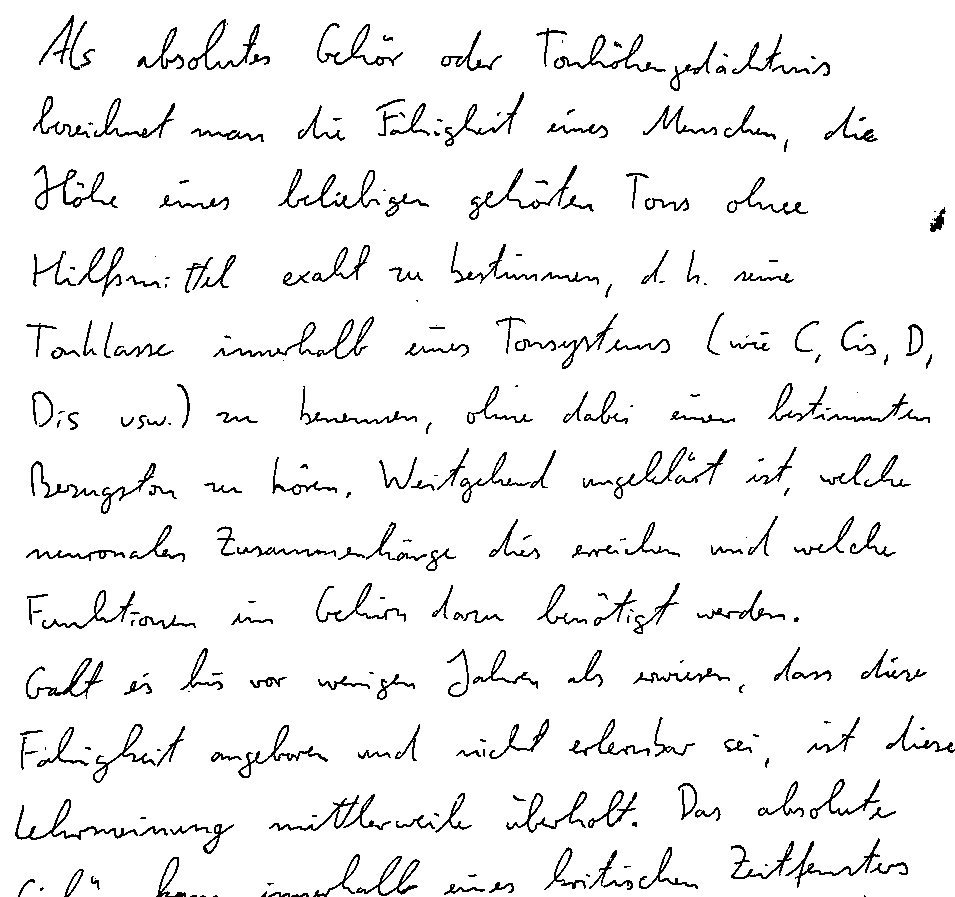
Als absolutes Gehör oder Tonhöhengedächtnis
bezeichnet man die Fähigkeit eines Menschen, die
Höhe eines beliebigen gehörten Tons ohne
Hilfsmittel exakt zu bestimmen, d. h. seine
Tonklasse innerhalb eines Tonsystems (wie C, Cis, D,
Dis usw.) zu benennen, ohne dabei einen bestimmten
Bezugston zu hören. Weitgehend ungeklärt ist, welche
neuronalen Zusammenhänge dies erreichen und welche
Funktionen im Gehirn dazu benötigt werden.
Galt es bis vor wenigen Jahren als erwiesen, dass diese
Fähigkeit angeboren und nicht erlernbar sei, ist diese
Lehrmeinung mittlerweile überholt. Das absolute
